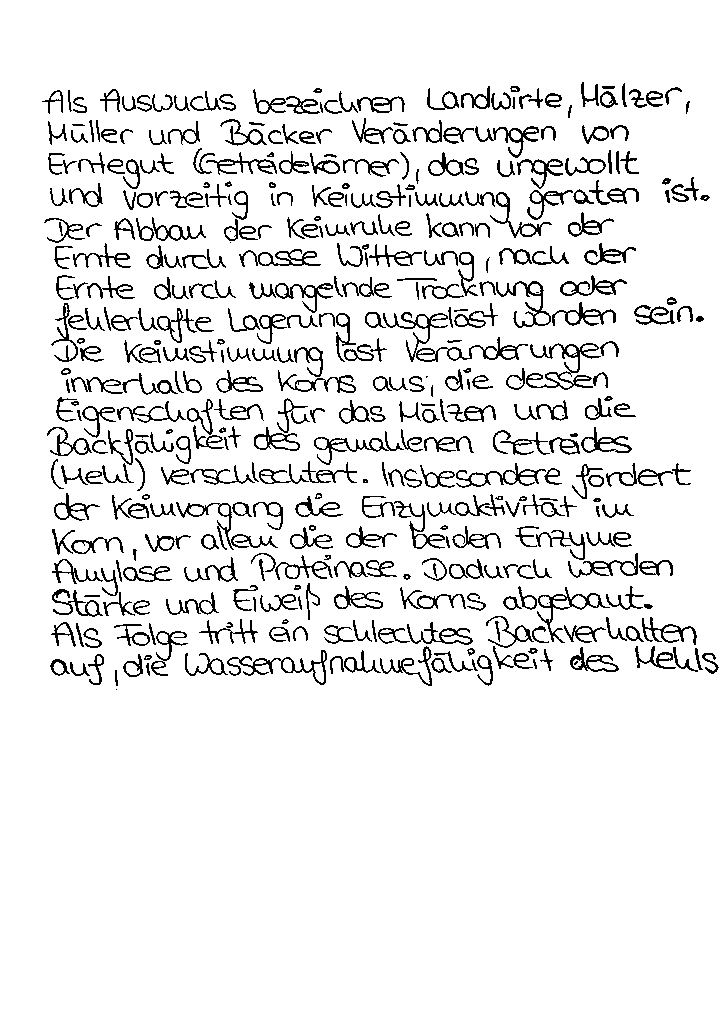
Als Auswuchs bezeichnen Landwirte, Mälzer,
Müller und Bäcker Veränderungen von
Erntegut (Getreidekörner), das ungewollt
und vorzeitig in Keimstimmung geraten ist.
Der Abbau der Keimruhe kann vor der
Ernte durch nasse Witterung, nach der
Ernte durch Mangelnde Trocknung oder
fehlerhafte Lagerung ausgelöst worden sein.
Die Keimstimmung löst Veränderungen
innerhalb des Korns aus, die dessen
Eigenschaften für das Mälzen und die
Backfähigkeit des gemahlenen Getreides
(Mehl) verschlechtert. Insbesondere fördert
der Keimvorgang die Enzymaktivität im
Korn. vor allem die der Beiden Enzyme
Amylase und Proteinase. Dadurch werden
Stärke und Eiweiß des Korns abgebaut.
Als Folge tritt ein schlechtes Backverhalten
auf, die Wasseraufnahmefähigkeit des Mehls
